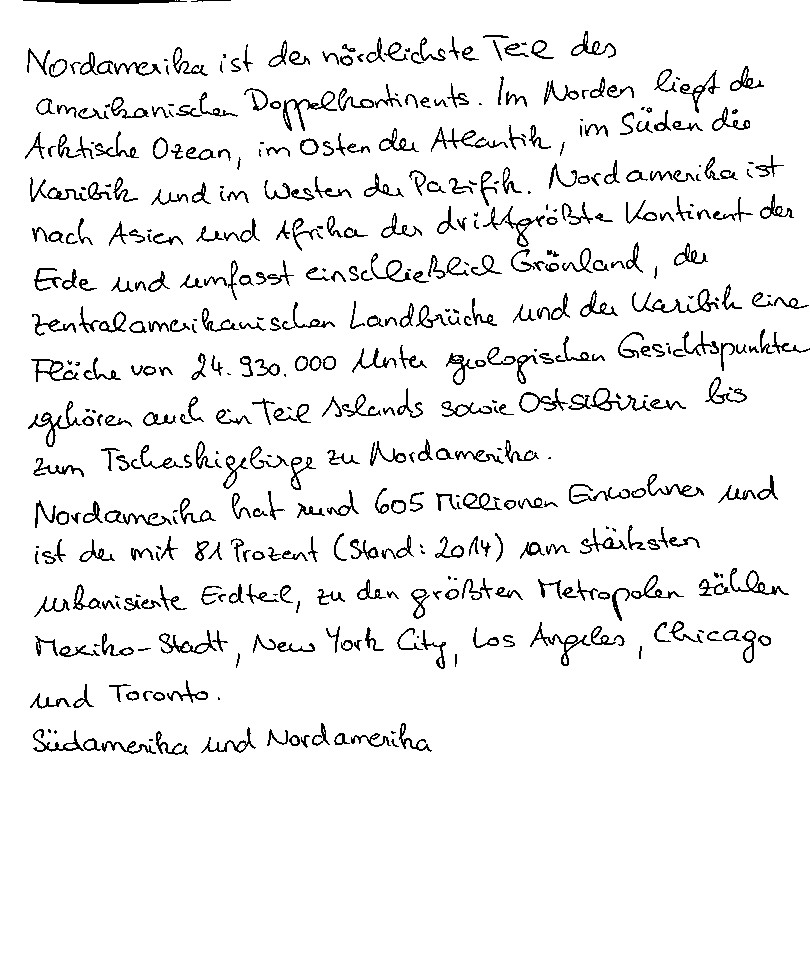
Nordamerika ist der nördliche Teil des
amerikanischen Doppelkontinentes. Im Norden liegt der
Arktische Ozean, im Osten der Atlantik, im Süden die
Karibik und im Westen der Pazifik. Nordamerika ist
nach Asien und Afrika der drittgrößte Kontinent der
Erde und umfasst einschließlich Grönland, der
zentralamerikanischen Landbrücke und der Karibik eine
Fläche von 24.930.000 Unter geologischen Gesichtspunkten
gehören auch ein Teil Islands sowie Ostsibirien bis
zum Tscherskigebirge zu Nordamerika.
Nordamerika hat rund 605 Millionen Einwohner und
ist der mit 81 Prozent (Stand: 2014) am stärksten
urbanisierte Erdteil, zu den größten Metropolen
Mexiko-Stadt, New York City, Los Angeles, Chicago
und Toronto.
Südamerika und Nordamerika
